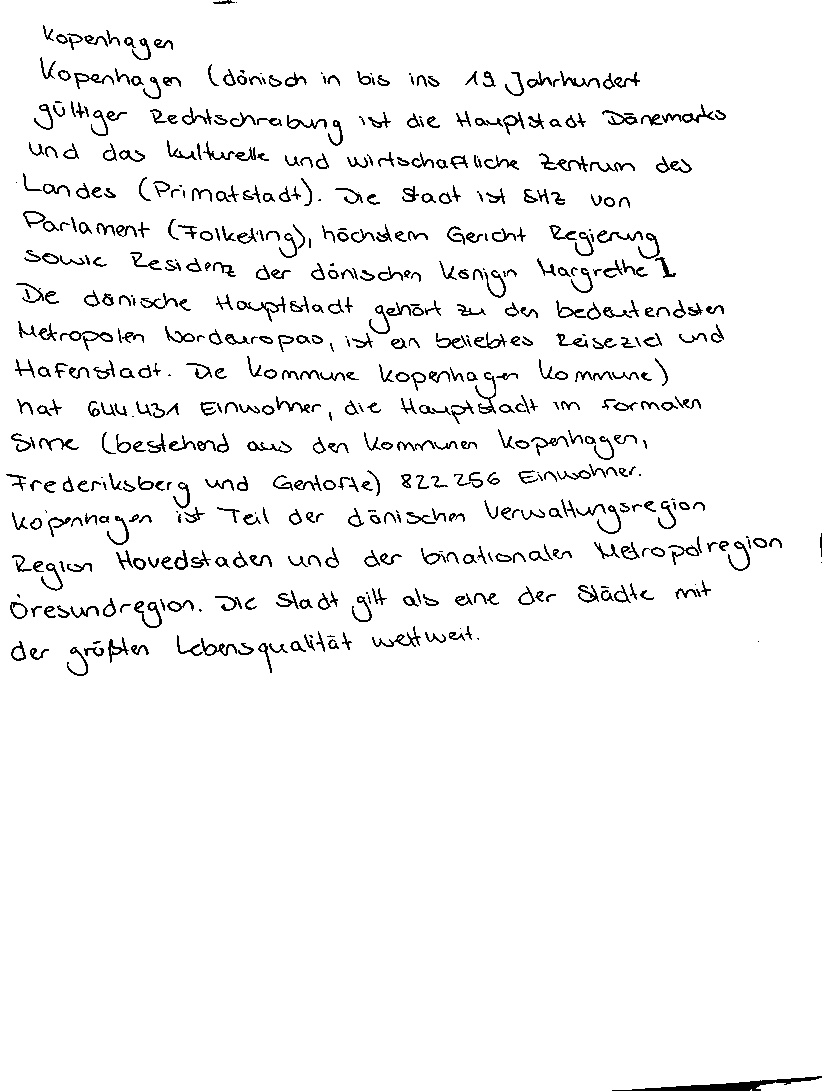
Kopenhagen
Kopenhagen (dänisch in bis ins 19. Jahrhundert
gültiger Rechtschreibung ist die Hauptstadt Dänemarks
und das kulturelle und wirtschaftliche Zentrum des
Landes (Primatstadt). Die Stadt ist Sitz von
Parlament (Folketing), höchstem Gericht Regierung
sowie Residenz der dänischen Königin Margrethe I
Die dänische Hauptstadt gehört zu den bedeutendsten
Metropolen Nordeuropas, ist ein beliebtes Reiseziel und
Hafenstadt. Die Kommune Kopenhagen Kommune)
hat 644.431 Einwohner, die Hauptstadt im formalen
Sinne (bestehend aus den Kommunen Kopenhagen,
Frederiksberg und Gentofte) 822.256 Einwohner.
Kopenhagen ist Teil der dänischen Verwaltungsregion
Region Hovedstaden und der binationalen Metropolregion
Öresundregion. Die Stadt gilt als eine der Städte mit
der größten Lebensqualität weltweit.
